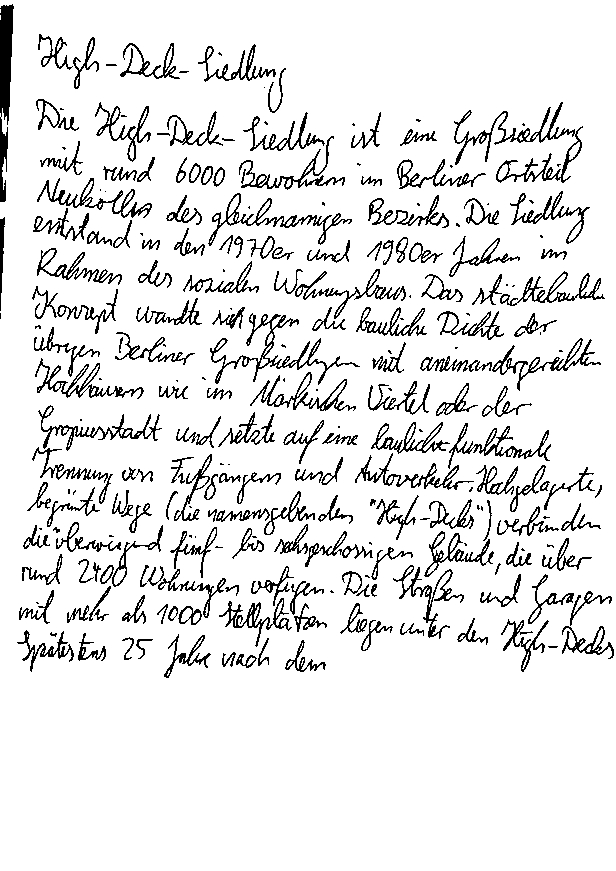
High-Deck-Siedlung
Die High-Deck-Siedlung ist eine Großsiedlung
mit rund 6000 Bewohnern im Berliner Ortsteil
Neukölln des gleichnamigen Bezirks. Die Siedlung
entstand in den 1970er und 1980er Jahren im
Rahmen des sozialen Wohnungsbaus. Das städtebauliche
Konzept wandte sich gegen die bauliche Dichte der
übrigen Berliner Großsiedlungen mit aneinandergereihten
Hochhäusern wie im Märkischen Viertel oder der
Gropiusstadt und setzte auf eine baulichfunktionale
Trennung von Fußgängern und Autoverkehr. Hochgelagerte,
begrünte Wege (die namensgebenden "High-Decks") verbinden
die überwiegend fünf- bis sechsgeschossigen Gebäude, die über
rund 2400 Wohnungen verfügen. Die Straßen und Garagen
mit mehr als 1000 Stellplätzen liegen unter den High-Decks.
Spätestens 25 Jahre nach dem
